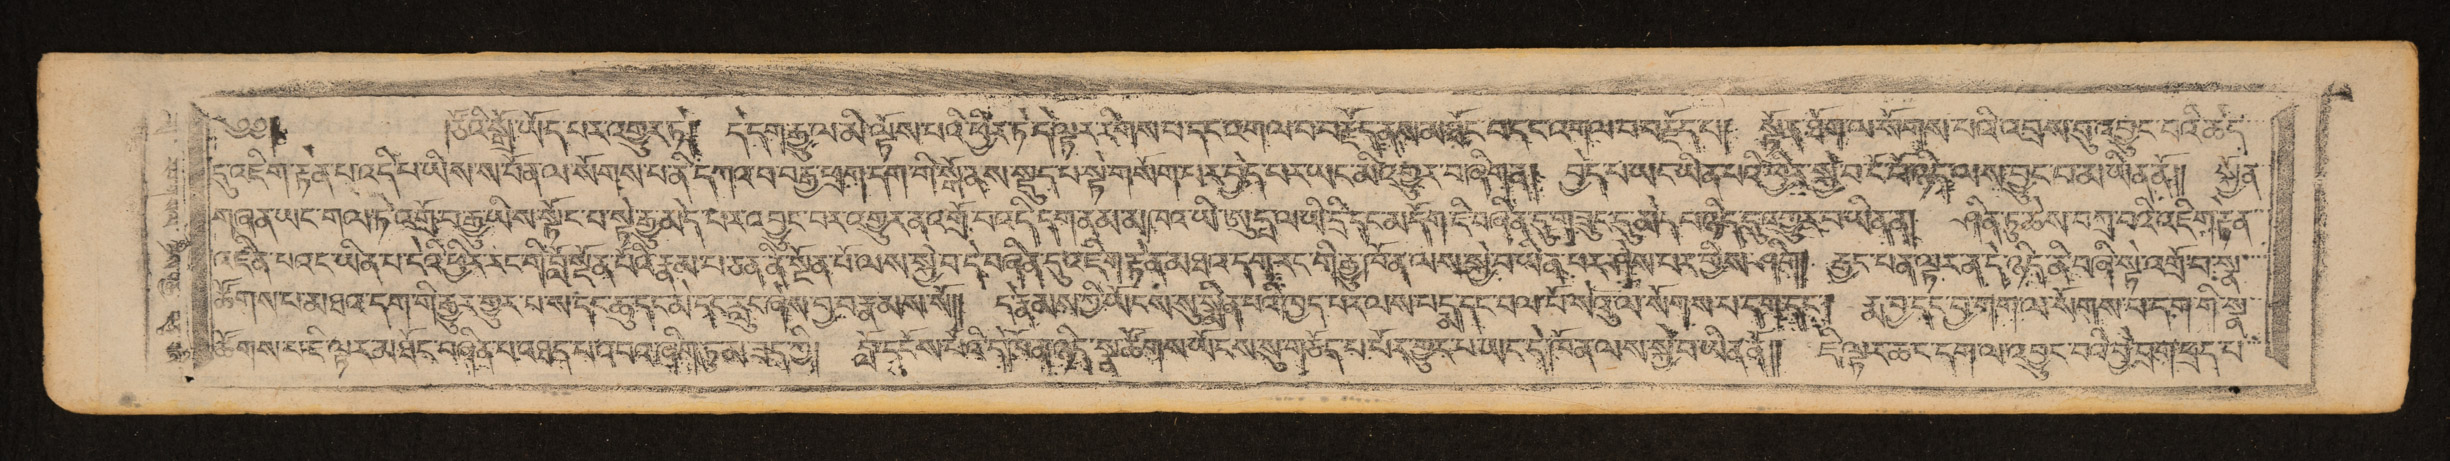༄༅། །ཙོའི་སྒྲོ་ཡོད་པར་འགྱུར་ཏེ། དེ་དག་རྒྱུ་ལ་མི་ལྟོས་པའི་ཕྱིར་ཏེ་དེ་ལྟར་རིགས་པ་དང་འགལ་བ་བརྗོད་ནས་མཐོང་བ་དང་འགལ་བ་བརྗོད་པ། སྟོན་ཏོག་ལ་སོགས་པའི་འབྲས་བུ་འབྱུང་བའི་ཆེད་
དུ་འཇིག་རྟེན་པ་འདི་པ་ཡིས་ས་བོན་ལ་སོགས་པ་ནི་དཀའ་བ་བརྒྱ་ཕྲག་དག་གི་སྒོ་ནས་སྡུད་པ་སྟེ་གསོག་པར་བྱེད་པར་ཡང་མི་འགྱུར་བ་ཞིག་ན། བྱེད་པ་ཡང་ཡིན་པའི་ཕྱིར་སྐྱེ་བ་ངོ་བོ་ཉིད་ལས་བྱུང་བ་མ་ཡིན་ནོ།། སྐྱོན་
གཞན་ཡང་གལ་ཏེ་འགྲོ་བ་རྒྱུ་ཡིས་སྟོང་པ་སྟེ་རྒྱུ་མེད་པར་འབྱུང་བར་འགྱུར་ན་འགྲོ་བ་འདི་དག་ནམ་མཁའ་ཡི་ཨུདཔལ་ཡི་དྲི་དང་མདོག་ཇི་བཞིན་དུ་གཟུང་དུ་མེད་པ་ཉིད་དུ་འགྱུར་བ་ཡིན་ན། ཤིན་ཏུ་ཆེས་བཀྲ་བའི་འཇིག་རྟེན་
འཛིན་པའང་ཡིན་པ་དེའི་ཕྱིར་རང་གི་བློ་སྔོན་པོའི་རྣམ་པ་ཅན་ནི་སྔོན་པོ་ལས་སྐྱེ་བ་དེ་བཞིན་དུ་འཇིག་རྟེན་མཐའ་དག་རང་གི་རྒྱུ་ཁོ་ན་ལས་སྐྱེ་བ་ཡིན་པར་ཤེས་པར་གྱིས་ཤིག། རྒྱང་ཕན་ལྟར་ན་དེ་ཉིད་ནི་བཞི་སྟེ་འགྲོ་བ་སྣ་
ཚོགས་པ་མཐའ་དག་གི་རྒྱུར་གྱུར་པ་ས་དང་ཆུ་དང་མེ་དང་རླུང་ཞེས་བྱ་བ་རྣམས་སོ།། དེ་རྣམས་ཀྱི་ཡོངས་སུ་སྨིན་པའི་ཁྱད་པར་ལས་པདྨ་དང་བལ་པོ་སེའུ་ལ་སོགས་པ་དག་དང་། རྨ་བྱ་དང་བྱ་གག་ལ་སོགས་པ་དག་གི་སྣ་
ཚོགས་པ་ཇི་ལྟར་མཐོང་བཞིན་པ་འཐད་པ་འབའ་ཞིག་ཏུ་མ་ཟད་ཀྱི། བློ་དངོས་པོའི་དེ་ཁོ་ན་ཉིད་སྣ་ཚོགས་ཡོངས་སུ་གཅོད་པ་པོར་གྱུར་པ་ཡང་དེ་ཁོ་ན་ལས་སྐྱེ་བ་ཡིན་ནོ།། ཇི་ལྟར་ཆང་དག་ལ་འབྱུང་བའི་བྱེ་བྲག་ཕྲད་པ་